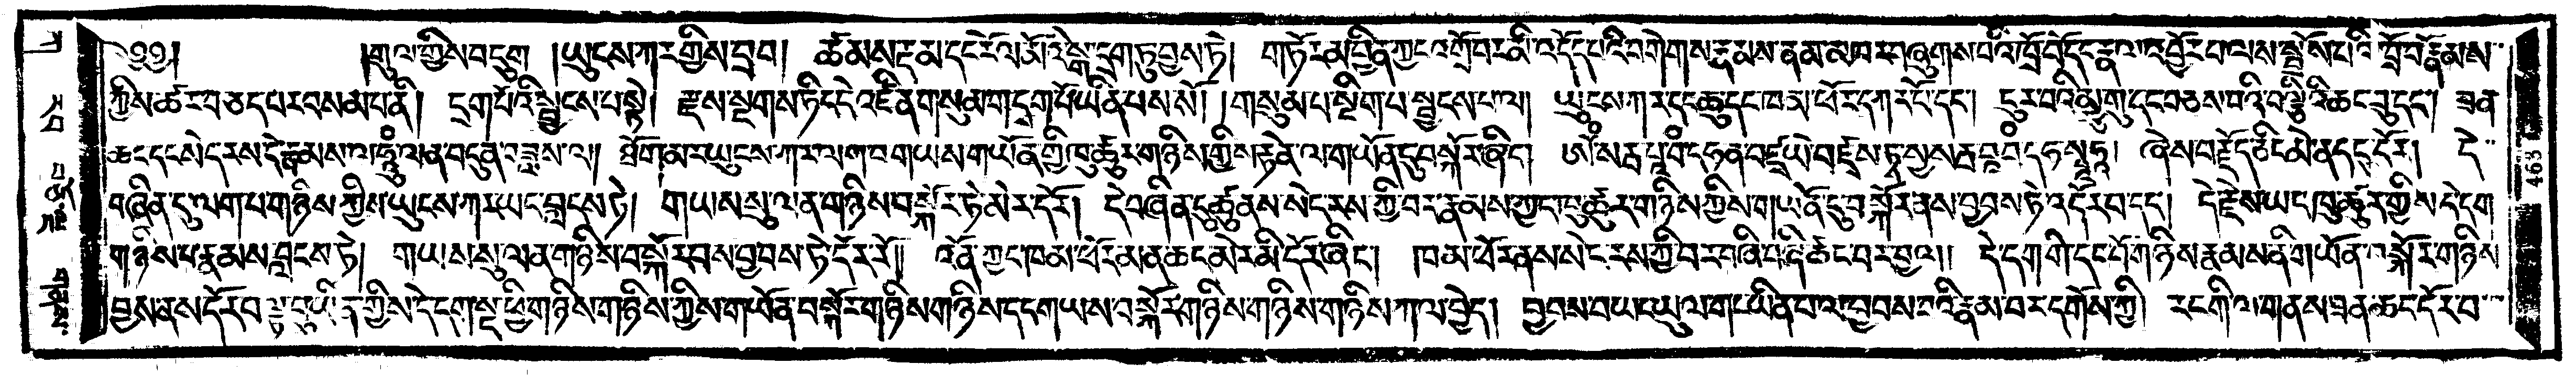༄༅། །གུལ་གྱིས་འདུག །ཡུངས་ཀར་གྱིས་བྲ་བ། ཚམས་རྡམ་དང་རོལ་མོའི་སྒ་དྲག་ཏུ་བྱས་ཏེ། གཏོར་མ་བྱིན་ཀྱང་འགྲོ་བར་མི་འདོད་པའི་བགེགས་རྣམས་ནམ་མཁར་གཞུགས་པའི་ཁྲོ་བོ་དང་རྣལ་འབྱོར་བ་ལས་སྦྲོས་པའི་ཁྲོ་བོ་རྣམས་
ཀྱིས་ཚར་བཅད་པར་བསམ་པ་ནི། དྲག་པོའི་སྦྱངས་པ་སྟེ། རྗེས་སྔགས་ཏིང་ངེ་འཛིན་གསུམ་གདྲག་པོ་ཡིན་པས་སོ། །གསུམ་པ་སྡིག་པ་སྦྱངས་པ་ལ། ཡུངས་ཀར་དང་ཆུ་དང་ཁམ་ཕོར་དཀར་པོ་དང་། ངུར་བའི་མྱུ་གུ་དང་བཅས་པའི་བླྕིའི་ཆང་བུ་དང་། ཟན་
ཆད་དང་སེད་རས་དེ་རྣམས་ལ་ཧཱུཾ་ལན་བདུན་བཟླས་ལ། ཐོག་མར་ཡུངས་ཀར་ལག་བ་གཡས་གཡོན་གྱི་ཁུ་ཚུར་གཉིས་གྱིས་རྟེན་ལ་གཡོན་དུ་བསྐོར་ཞིང་། ཨེ་སརྦ་པཱ་བཾ་ད་ཧན་བཛྲ་ཡེ་བཛྲས་ཏྭ་སྱསརྦ་བཱ་བད་ཧ་སྭཱཧཱ། ཞེས་བརྗོད་ཅིང་མེ་ནད་དུ་དོར། དེ་
བཞིན་དུ་ལག་པ་གཉིས་ཀྱིས་ཡུངས་ཀར་ཡང་བླངས་ཏེ། གཡས་སུ་ལན་གཉིས་བསྐོར་ཏེ་མེར་དོར། དེ་བཞིན་དུ་ཚུ་ནས་སེང་རས་ཀྱི་བར་རྣམས་ཀྱང་ཁུ་ཚུར་གཉིས་ཀྱིས་གཡོན་དུ་བསྐོར་ནས་བྱ་བས་ཏེ་འདོར་བ་དང་། དེ་རྗེས་ཡང་ཁུ་ཚུར་གྱིས་དེ་དག་
གཉིས་པ་རྣམས་བླངས་ཏེ། གཡས་སུ་ལན་གཉིས་བསྐོ་རབས་བྱ་བས་ཏེ་དོར་རོ། །འོན་ཀྱང་ཁམ་ཕོར་མན་ཆད་མེར་མི་དོར་ཞིང་། །བམ་ཕོར་ནས་སེང་རས་ཀྱི་བར་བཞི་པ་ལྡི?་ཆོང་བར་བྱལ། དེ་དག་གི་དང་བོ་གཉིས་རྣམས་ནི་གཡོན་བསྐོར་གཉིས་
བྱས་ནས་དོར་བལྟ་དུ་ཡིན་གྱིས་དེ་དག་སྔ་ཕྱི་གཉིས་གཉིས་ཀྱིས་གཡོན་བསྐོར་གཉིས་གཉིས་དང་གཡས་བསྐོར་གཉིས་གཉིས་གཉིས་ཀ་ལ། བྱམས་བ་ཡང་ཡུལ་གང་ཡིན་པ་ལ་བྱ་བས་བའི་རྣམ་པར་དགོས་ཀྱི། རང་གི་ལ་གནས་ཟན་ཆང་དོར་བ་